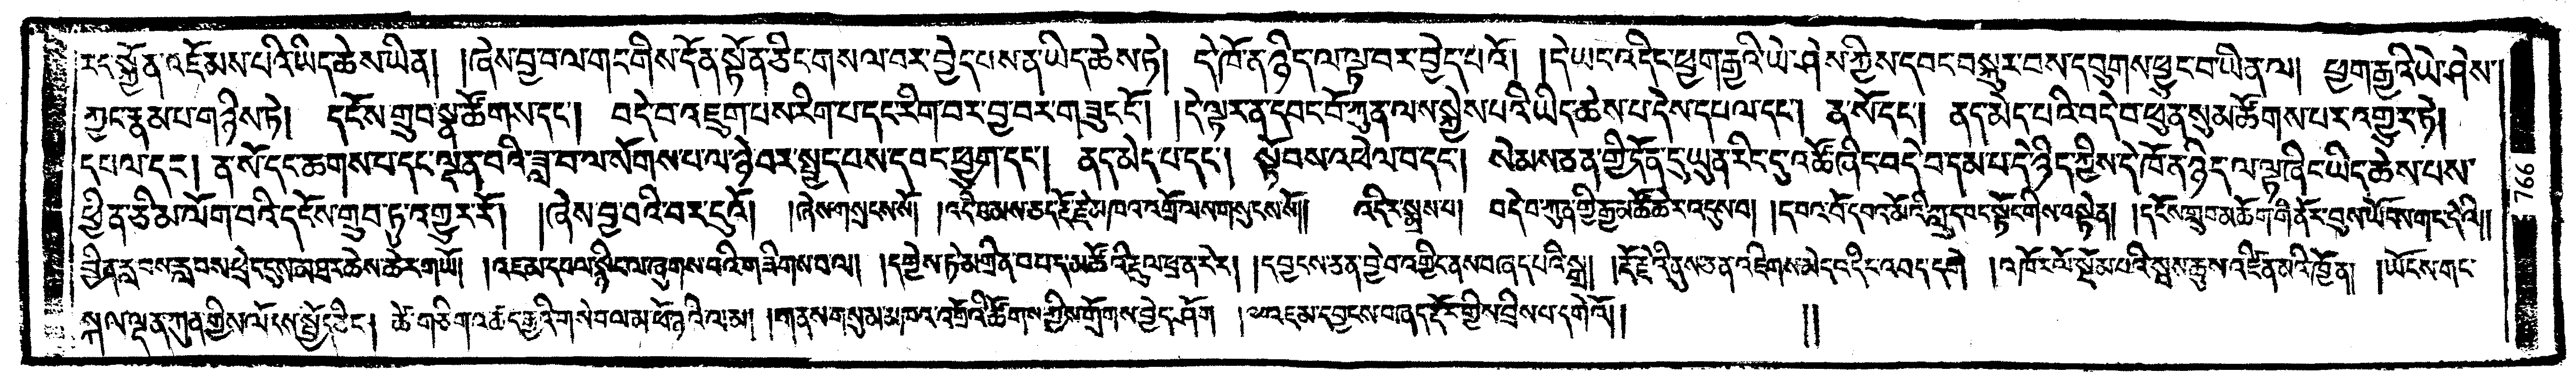རང་སྐྱོན་འཇོམས་པའི་ཡིད་ཆེས་ཡིན། །ཞེས་བྱ་བ་ལ་གང་གིས་དོན་སྟོན་ཅིང་གསལ་བར་བྱེད་པས་ན་ཡིད་ཆེས་ཏེ། དེ་ཁོ་ན་ཉིད་ལ་ལྟ་བར་བྱེད་པའོ། །དེ་ཡང་འདིང་ཕྱག་རྒྱའི་ཡེ་ཤེས་ཀྱིས་དབང་བསྐུར་བས་དབུགས་ཕྱུང་བ་ཡིན་ལ། ཕྱག་རྒྱའི་ཡེ་ཤེས་
ཀྱང་རྣམ་པ་གཉིས་ཏེ། དངོས་གྲུབ་སྣ་ཚོགས་དང་། བདེ་བ་འཇུག་པས་རིག་པ་དང་རིག་བར་བྱ་བར་གཟུང་ངོ། །དེ་ལྟར་ན་དབང་པོ་ཀུན་ལས་སྐྱེས་པའི་ཡིད་ཆེས་པ་དེས་དཔལ་དང་། ན་སོ་དང་། ནད་མེད་པའི་བདེ་བ་ཕུན་སུམ་ཚོགས་པར་འགྱུར་ཏེ།
དཔལ་དང་། ན་སོ་དང་ཆགས་པ་དང་ལྡན་པའི་ཟླ་བ་ལ་སོགས་པ་ལ་ཉེ་བར་སྤྱད་པས་དབང་ཕྱུག་དང་། ནད་མེད་པ་དང་། སྟོབས་འཕེལ་བ་དང་། སེམས་ཅན་གྱི་དོན་དུ་ཡུན་རིང་དུ་འཚོ་ཞིང་བདེ་བ་དམ་པ་དེ་ཉིད་ཀྱིས་དེ་ཁོ་ན་ཉིད་ལ་ལྟ་ཞིང་ཡིད་ཆེས་པས་
ཕྱིན་ཅི་མ་ལོག་པའི་དངོས་གྲུབ་ཏུ་འགྱུར་རོ། །ཞེས་བྱ་བའི་བར་དུའོ། །ཞེས་གསུངས་སོ། །འདི་ཐམས་ཅད་རྡོ་རྗེ་མཁའ་འགྲོ་ལས་གསུངས་སོ།། འདིར་སྨྲས་པ། བདེ་བ་ཀུན་གྱི་རྒྱ་མཚོ་ཆེར་འདུས་བ། །དཔའ་བོ་དཔའ་མོའི་ཀླུ་དབང་སྟོང་གིས་བསྟེན། །དངོས་གྲུབ་མཆོག་གི་ནོར་བུས་ཡོ་བས་གང་དེའི།།
བྱིན་རླབས་རླབས་ཕྲེང་དུས་མཐར་ཆེས་ཆེར་གཡོ། །འཇམ་དཔལ་སྙིང་ལ་ཞུགས་པའི་གཟིགས་པ་ལ། །དགྱེས་ཏེ་མགྲིན་པ་པད་མཚོའི་རྡུལ་ཕྲན་རེར། །དབྱངས་ཅན་བྱེ་བ་འགྱིང་ནས་བཞད་པའི་སྒྲ། །རྡོ་རྗེའི་ནུས་ཅན་འཇིགས་མེད་འདིང་འབད་དགེ །འཁོར་ལོ་སྡོམ་པའི་སྦས་ཆུས་འཛིན་མའི་ཁྱོན། །ཡོངས་གང་
སྐལ་ལྡན་ཀུན་གྱིས་ལོངས་སྤྱོད་ཅིང་། ཚེ་གཅིག་འཚང་རྒྱའི་གསེབ་ལམ་ཕོ་ཉའི་ལམ། །གནས་གསུམ་མཁའ་འགྲོའི་ཚོགས་ཀྱིས་གྲོགས་བྱེད་ཤོག །༧་འཇམ་དབྱངས་བཞད་རྡོར་གྱིས་བྲིས་པ་དགེའོ།། །།